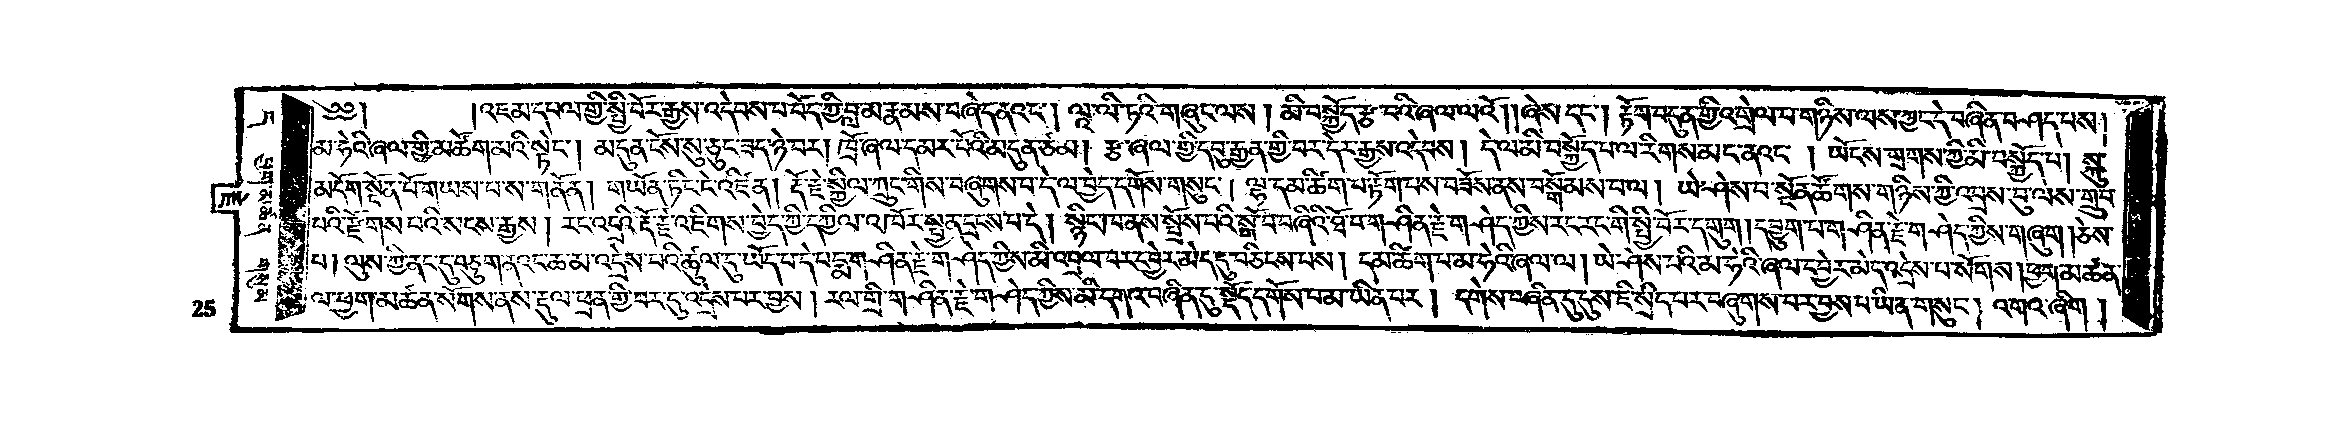༄༅། །འཇམ་དཔལ་གྱི་སྤྱི་བོར་རྒྱས་འདེབས་པ་བོད་ཀྱི་བླ་མ་རྣམས་བཞེད་ནའང་། ལཱ་ལི་ཏའི་གཞུང་ལས། མི་བསྐྱོད་རྩ་བའི་ཞལ་ལའོ། །ཞེས་དང་། རྟོག་བདུན་གྱི་འགྲེལ་པ་གཉིས་ལས་ཀྱང་དེ་བཞིན་བཤད་པས།
མ་ཧེའི་ཞལ་གྱི་མཚོག་མའི་སྟེང་། མདུན་ངོས་སུ་ཅུང་ཟད་ཉེ་བར། ཁྲོ་ཞལ་དམར་པོའི་མདུན་ཙམ། རྩ་ཞལ་གྱི་དབུ་རྒྱན་གྱི་བར་དེར་རྒྱས་འདེབས། དེ་ལ་མི་བསྐྱོད་པ་ལ་རིགས་མང་ནའང་། ཡོངས་གྲགས་ཀྱི་མི་བསྐྱོད་པ། སྐུ་
མདོག་སྔོན་པོ་གཡས་པ་ས་གནོན། གཡོན་ཏིང་ངེ་འཛིན། རྡོ་རྗེ་སྐྱིལ་ཀྲུང་གིས་བཞུགས་པ་དེ་ལ་བྱེད་དགོས་གསུང་། ལྷ་དམ་ཚིག་པ་རྟོག་པས་བཟོས་ནས་བསྒོམས་པ་ལ། ཡེ་ཤེས་པ་སྔོན་ཚོགས་གཉིས་ཀྱི་འབྲས་བུ་ལས་གྲུབ་
པའི་རྫོགས་པའི་སངས་རྒྱས། རང་འདྲའི་རྡོ་རྗེ་འཇིགས་བྱེད་ཀྱི་དཀྱིལ་འཁོར་སྤྱན་དྲངས་པ་དེ། སྙིང་ཁ་ནས་སྤྲོས་པའི་སྒོ་བ་བཞིའི་ཐོ་བ་གཤིན་རྗེ་གཤེད་ཀྱིས་རང་རང་གི་སྤྱི་བོར་དགུག །དབྱུག་པ་གཤིན་རྗེ་གཤེད་ཀྱིས་གཞུག །ཅེས་
པ། ལུས་ཀྱི་ནང་དུ་བཅུག་ནའང་ཆ་མ་འདྲེས་པའི་ཚུལ་དུ་ཡོད་པ་དེ་པདམ་གཤིན་རྗེ་གཤེད་ཀྱིས་མི་འབྲལ་བར་དབྱེར་མེད་དུ་བཅིངས་པས། དམ་ཚིག་པ་མ་ཧེའི་ཞལ་ལ། ཡེ་ཤེས་པའི་མ་ཧེའི་ཞལ་དབྱེར་མེད་འདྲེས་པ་སོགས། ཕྱག་མཚན་
ལ་ཕྱག་མཚན་སོགས་ནས་རྡུལ་ཕྲན་གྱི་བར་དུ་འདྲེས་པར་བྱས། རལ་གྲི་གཤིན་རྗེ་གཤེད་ཀྱིས་མི་དགའ་བཞིན་དུ་སྡོད་དགོས་པ་མ་ཡིན་པར། དགེས་བཞིན་དུ་དུས་ཇི་སྲིད་པར་བཞུགས་པར་བྱས་པ་ཡིན་གསུང་། འགའ་ཞིག །